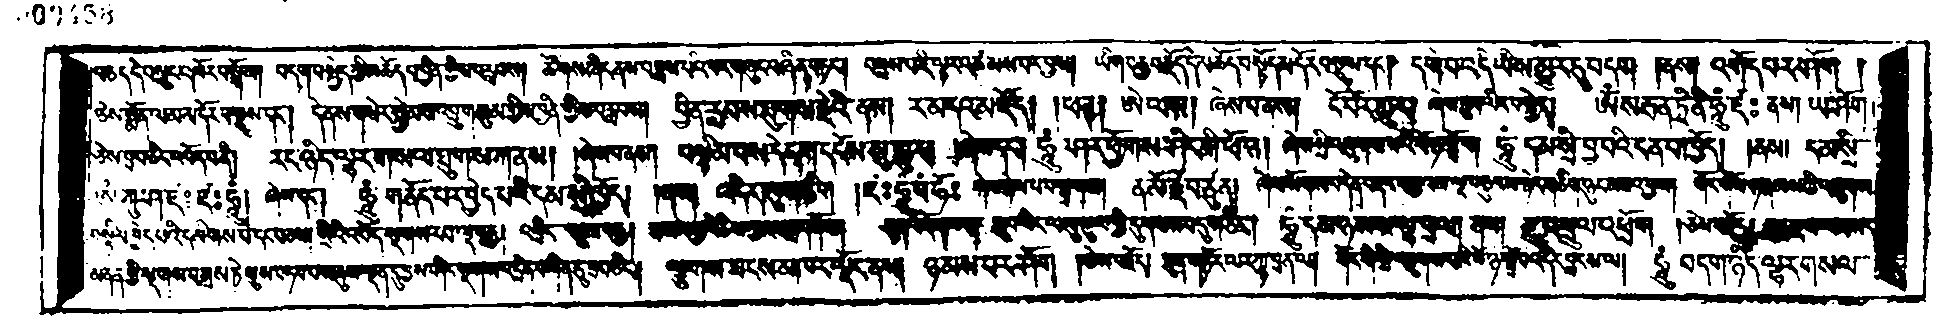བཅད་དེ་བསྲུང་འཁོར་བསྒོམ། བདག་བསྐྱེད་ཀྱི་མཆོད་པ་བྱིན་གྱིས་བརླབས། ཚོགས་ཞིང་ནས་བཟླས་པའི་བར་གཞུང་བཞིན་བཏང་། བཟླས་པ་ཇི་ལྟར་འཚམས་པར་བྱས། ཡིག་བརྒྱ་བརྗོད་དེ་མཆོད་བསྟོད་མདོར་བསྡུས་དང་། དགེ་བ་འདི་ཡིས་མྱུར་དུ་བདག་།ནས།  འགོད་པར་ཤོག །
ཅེས་སྨོན་ལམ་མདོར་བསྡུས་དང་། དེ་ནས་གསེར་སྐྱེམས་འབྲུ་གསུམ་གྱིས་བྱིན་གྱིས་བརླབས།  བྱིན་རླབས་ཐུགས་རྗེའི་ནས།  ར་མདའ་མཛོད། །ཕཊ། ཨེ་ལས། ཞེས་པ་ནས།  ངོ་བོར་གྱུར། ཞེས་བྲུབ་ལིང་བསྐྱེད།  ཨོཾ་སརྦ་ན་ཏྲི་ནི་ཧཱུཾ་ཛཿ ནས།  ཡ་ཤོག །
ཅེས་བྲ་བཅིང་འབོད་པ་ནི།  རང་ཉིད་ལྷར་གསལ་ཐུགས་ཀ་ནས། །ཞེས་པ་ནས།  བསྟིམ་བས་དེ་དག་དངོས་སུ་གྱུར། །ཞེས་དང་།  ཧཱུཾ་ཤར་ཕྱོགས་ཤིང་གི་ཕོ་ཉ། ཞེས་སྲི་འགུགས་པའི་ཕོ་ཉ་སྤྲོ་བ།  ཧཱུཾ་དམ་སྲི་བྱ་བའི་ངན་བ་ཁྱོད། །ནས། དམ་སྲི་
ཨཾ་ཀུ་ཤ་ཛཿ ཛཿ ཧཱུཾ། ཞེས་དང་།  ཧཱུཾ་གནོད་པར་བྱེད་པའི་དམ་སྲི་ཁྱོད། །ནས།  འདིར་ཁུག་ཅིག །ཛཿ ཧཱུཾ་བཾ་ཧོཿ ཞེས་ཉེས་པ་བསྒྲགས།  ན་མོ་རྗེ་བཙུན། ཞེས་སོགས་བདེན་བརྡར་བརྒྱའམ་ལྔ་བཅུའམ་ཉེར་གཅིག་ཉུང་མཐའ་བྱས། གོང་གི་ཕོ་ཉ་རྣམས་ཀྱི་འགུགས་
བསྟིམ་བྱེད་པའི་དམིགས་པ་དང་བཅས། སྲིའི་འབོད་སྔགས་རབ་ལྔ་བརྒྱ། འབྲིང་སུམ་བརྒྱ། ཐ་མ་བརྒྱ་རེ་ཅིས་ཀྱང་བཟླ་དགོས། ཐུན་འཇོག་ཁར། བྲུབ་ལིང་ལ་གུ་གུལ་གྱི་དུད་པས་བདུག་ཅིང་། ཧཱུཾ་དམ་ཉམས་ལྷ་བྲལ། ནས།  རྫུ་འཕྲུལ་འཕྲོག །ཅེས་བརྗོད། ཐུན་རྫས་ལ་བསད་
མནན་གྱི་སྔགས་བཟླས་ཏེ་ཕུས་བཏབ་བས་ནུས་ལྡན་དུ་བྱས་ཤིང་སྔགས་འདྲེན་བཞིན་དུ་བྲབ་ཅིང་། ལྕགས་ཟངས་མཁར་ལྡོང་ནས། ཉམས་པར་ཤོག་།ཅེས་བརྗོད། ཐུན་གཏོར་ལ་རཀྟ་བྲན་ལ། གོང་གི་སྲི་འགུགས་པའི་ཕོ་ཉ་སྤྲོ་བ་འདིར་བླངས་ལ།  ཧཱུཾ་བདག་ཉིད་ལྷར་གསལ་